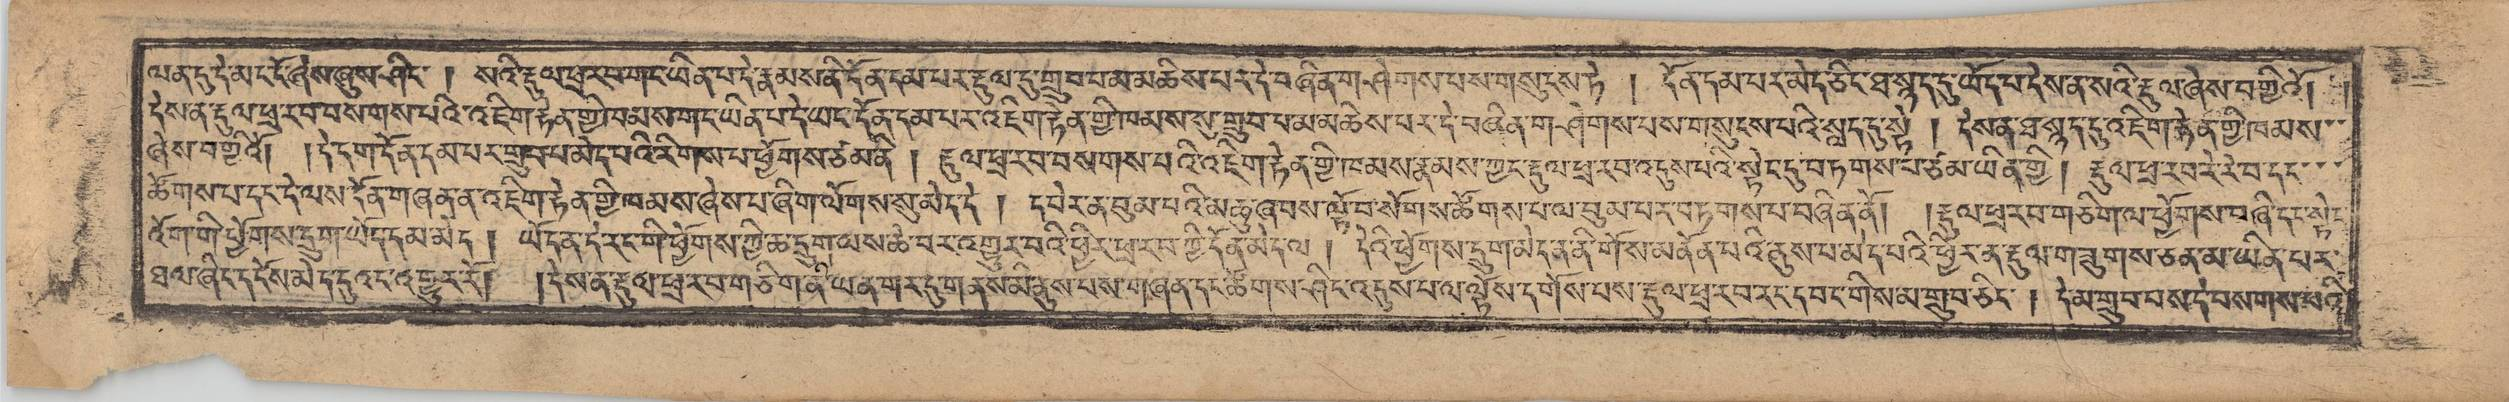ལན་དུ་དེ་མང་ངོ་ཞེས་ཞུས་ཤིང་། སའི་རྡུལ་ཕྲ་རབ་གང་ཡིན་པ་དེ་རྣམས་ནི་དོན་དམ་པར་རྡུལ་དུ་གྲུབ་པ་མ་མཆིས་པར་དེ་བཞིན་གཤེགས་པས་གསུངས་ཏེ། དོན་དམ་པར་མེད་ཅིང་ཐ་སྙད་དུ་ཡོད་པ་དེས་ན་སའི་རྡུལ་ཞེས་བགྱིའོ། །
དེས་ན་རྡུལ་ཕྲ་རབ་བསགས་པའི་འཇིག་རྟེན་གྱི་ཁམས་གང་ཡིན་པ་དེ་ཡང་དོན་དམ་པར་འཇིག་རྟེན་གྱི་ཁམས་སུ་གྲུབ་པ་མ་མཆིས་པར་དེ་བཞིན་གཤེགས་པས་གསུངས་པའི་སླད་དུ་སྟེ། དེས་ན་ཐ་སྙད་དུ་འཇིག་རྟེན་གྱི་ཁམས་
ཞེས་བགྱིའོ། །དེ་དག་དོན་དམ་པར་གྲུབ་པ་མེད་པའི་རིགས་པ་ཕྱོགས་ཙམ་ནི། རྡུལ་ཕྲ་རབ་བསགས་པའི་འཇིག་རྟེན་གྱི་ཁམས་རྣམས་ཀྱང་རྡུལ་ཕྲ་རབ་འདུས་པའི་སྟེང་དུ་བཏགས་པ་ཙམ་ཡིན་གྱི། རྡུལ་ཕྲ་རབ་རེ་རེ་བ་དང་
ཚོགས་པ་དང་དེ་ལས་དོན་གཞན་ན་འཇིག་རྟེན་གྱི་ཁམས་ཞེས་པ་ཞིག་ལོགས་སུ་མེད་དེ། དཔེར་ན་བུམ་པའི་མཆུ་ཞབས་ལྟོ་བ་སོགས་ཚོགས་པ་ལ་བུམ་པར་བཏགས་པ་བཞིན་ནོ། །རྡུལ་ཕྲ་རབ་གཅིག་ལ་ཕྱོགས་བཞི་དང་སྟེངས་
འོག་གི་ཕྱོགས་དྲུག་ཡོད་དམ་མེད། ཡོད་ན་དེ་རང་གི་ཕྱོགས་ཀྱི་ཆ་དྲུག་ལས་ཆེ་བར་འགྱུར་བའི་ཕྱིར་ཕྲ་རབ་ཀྱི་དོན་མེད་ལ། དེའི་ཕྱོགས་དྲུག་མེད་ན་ནི་གོ་ས་མནོན་པའི་ནུས་པ་མེད་པའི་ཕྱིར་ན་རྡུལ་གཟུགས་ཅན་མ་ཡིན་པར་
ཐལ་ཞིང་དངོས་མེད་དུའང་འགྱུར་རོ། །དེས་ན་རྡུལ་ཕྲ་རབ་གཅིག་ནི་ཡན་གར་དུ་གནས་མི་ནུས་པས་གཞན་དང་ཚོགས་ཤིང་འདུས་པ་ལ་ལྟོས་དགོས་པས་རྡུལ་ཕྲ་རབ་རང་དབང་གིས་མ་གྲུབ་ཅིང་། དེ་མ་གྲུབ་པས་དེ་བསགས་པའི་